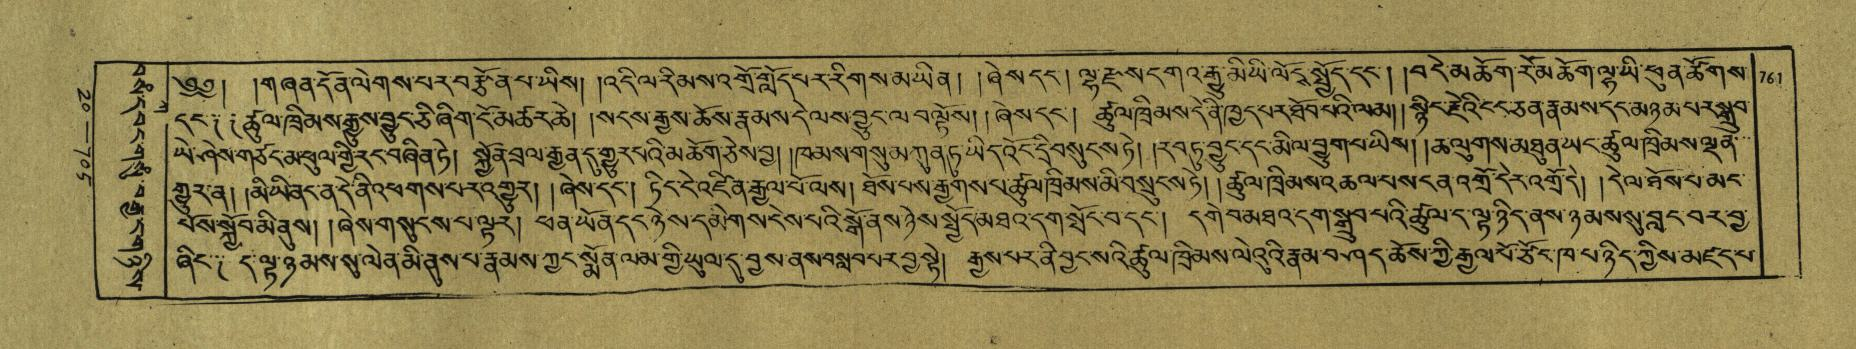༄༅། །གཞན་དོན་ལེགས་པར་བརྩོན་པ་ཡིས། །འདི་ལ་རིམས་འགྲོ་གློད་པར་རིགས་མ་ཡིན། །ཞེས་དང་། ལྷ་རྫས་དགའ་རྒྱུ་མི་ཡི་ལོངས་སྤྱོད་པ་དང་། །བདེ་མཆོག་རོ་མཆོག་ལྷ་ཡི་ཕུན་ཚོགས་
དང༑ ༑ཚུལ་ཁྲིམས་རྒྱུས་བྱུང་ཅི་ཞིག་ངོ་མཚར་ཆེ། །སངས་རྒྱས་ཆོས་རྣམས་དེ་ལས་བྱུང་ལ་བལྟོས། །ཞེས་དང་། ཚུལ་ཁྲིམས་དེ་ནི་ཁྱད་པར་ཐོབ་པའི་ལམ། །སྙིང་རྗེའི་ངག་ཅན་རྣམས་དང་མཉམ་པར་སྒྲུབ་
ཡེ་ཤེས་གཙང་མ་ཕུལ་གྱི་རང་བཞིན་ཏེ། སྐྱོན་བྲལ་རྒྱན་དུ་གྱུར་པའི་མཆོག་ཅེས་བྱ། །ཁམས་གསུམ་ཀུན་ཏུ་ཡིད་འོང་དྲི་བསུངས་ཏེ། །རབ་ཏུ་བྱུང་དང་མི་ལ་བྱུག་པ་ཡིས། །ཆ་ལུགས་མཐུན་ཡང་ཚུལ་ཁྲིམས་ལྡན་
གྱུར་ན། །མི་ཡི་ནང་ན་དེ་ནི་འཕགས་པར་འགྱུར། །ཞེས་དང་། ཏིང་ངེ་འཛིན་རྒྱལ་པོ་ལས། ཐོས་པས་རྒྱགས་པ་ཚུལ་ཁྲིམས་མི་བསྲུངས་ཏེ། །ཚུལ་ཁྲིམས་འཆལ་པས་ངན་འགྲོ་དེར་འགྲོ་དེ། །དེ་ལ་ཐོས་པ་མང་
པོས་སྐྱོབ་མི་ནུས། །ཞེས་གསུངས་པ་ལྟར། ཕན་ཡོན་དང་ཉེས་དམིགས་ངེས་པའི་སྒོ་ནས་ཉེས་སྤྱོད་མཐའ་དག་སྤོང་བ་དང་། དགེ་བ་མཐའ་དག་སྒྲུབ་པའི་ཚུལ་ད་ལྟ་ཉིད་ནས་ཉམས་སུ་བླང་བར་བྱ་
ཞིང༑ ད་ལྟ་ཉམས་སུ་ལེན་མི་ནུས་པ་རྣམས་ཀྱང་སྨོན་ལམ་གྱི་ཡུལ་དུ་བྱས་ནས་བསླབ་པར་བྱ་སྟེ། རྒྱས་པར་ནི་བྱང་སའི་ཚུལ་ཁྲིམས་ལེའུའི་རྣམ་བཤད་ཆོས་ཀྱི་རྒྱལ་པོ་ཙོང་ཁ་པ་ཉིད་ཀྱིས་མཛད་པ་